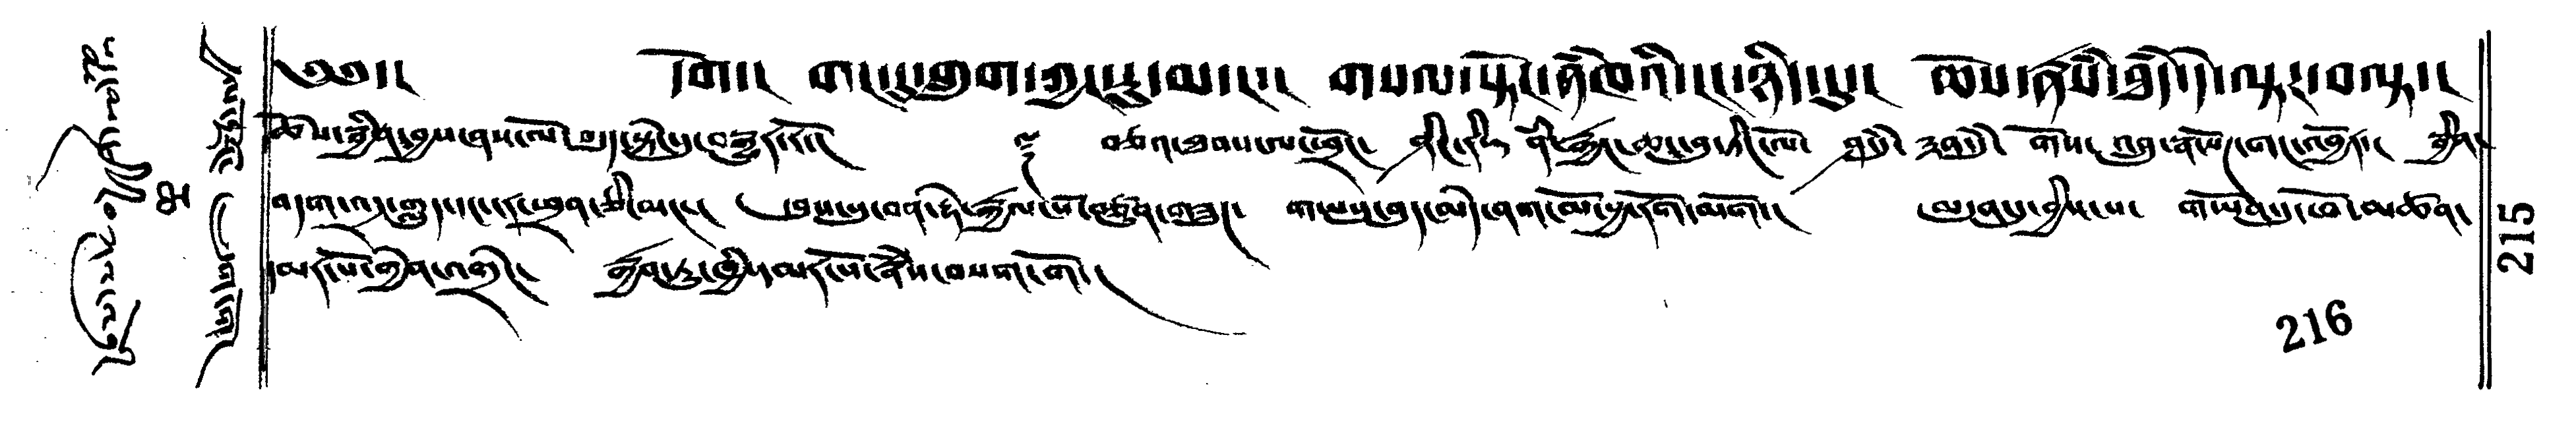དོག །གང་དུ་གྲུམ་ཀྱང་རུ་མ་ང་། །གསལ་སྟོང་ནམ་མཁའི་ངང་ཉིད་དུ། །ཆོས་རྣམས་ཐམས་ཅད་དེ་ལྟར་བལྟ། ། 
ཆོས་སྦྱིན་བྱས་ནས་ལོ་བདུད་སྟེང་དུ་བསྒྱུར་རོ། ༈ བཅའ་ཐབ་དང་ལ། ཕོ་བྲང་། །ཤིང་རིས། ནམ་རྒྱང་ཆང་བུ། ཏིང་ལོ། །ཤ་དུམ། །ཟན་དུམ། །གོས། །འབྲུ་སྣ་སོགས་གང་འབྱོར། །སྦྱིན་
བདག་གི་འདྲ་གླུད་དང་ངར་ཕྲན་ཅི་མང་། །དབུས་སུ་བན་དྷེ་རྒྱལ་པོ་བཙུན་གཟུགས། །གཡས་སུ་བུད་མེད་ནག་མོ་བྱ་རོག་མགོམདུན་དུ་བྱིས་པ། །གཡོན་དུ་ཕོ་མཚན་
དམར་པོ་གྱེན་འགྲེང་། །རྒྱབ་ཏུ་ཁྱི་དམར་པོ་རྣམས་བསག་གོ །